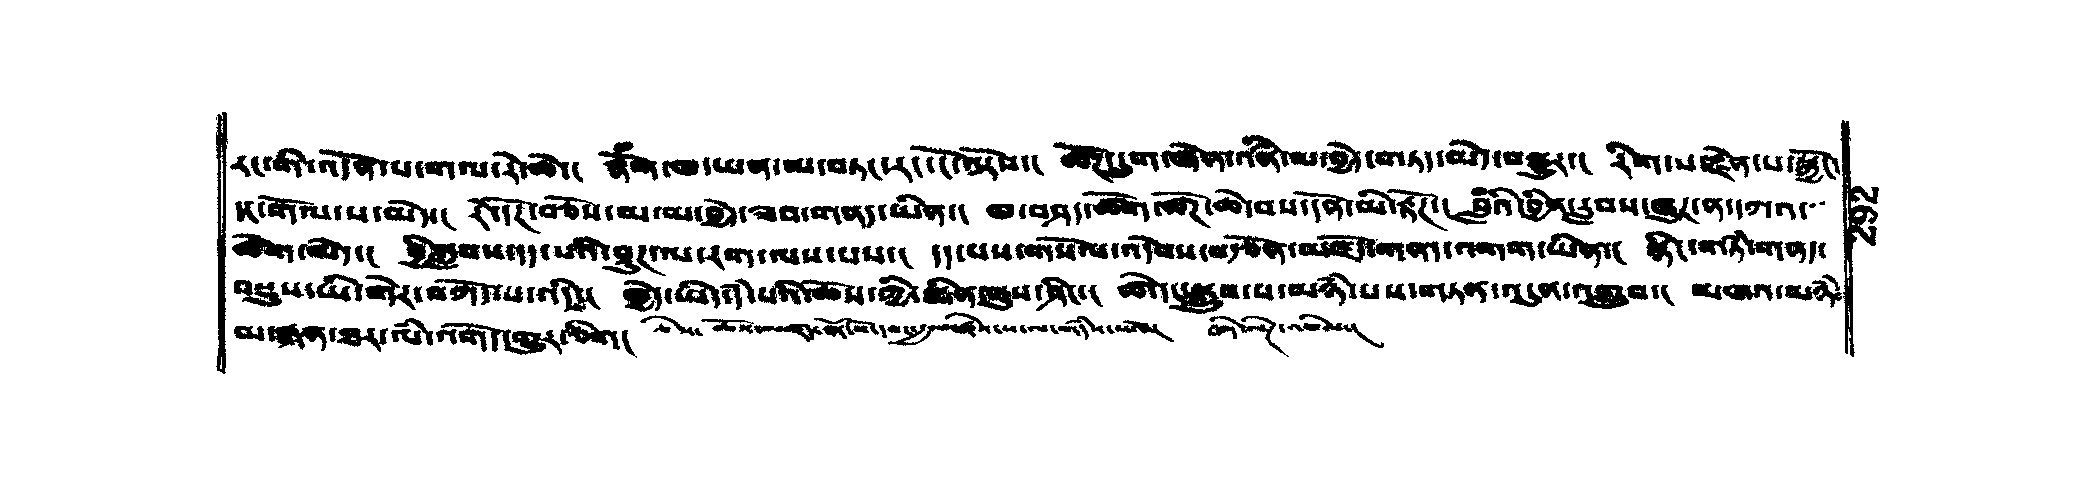རང་གི་འདོན་པ་གལ་རེ་ཆེ། རྣམ་རྟོག་ཁ་ཡན་མ་བཏང་རང་ངོ་ལྟོས། །ཚོགས་དྲུག་ཞེན་འཛིན་མ་བྱེད་གཏད་མེད་བསྐྱུར། །རིག་པ་རྗེན་པ་སྐྱོངས་
དང་གོལ་ས་མེད། །རེ་དོགས་བཅོས་མ་མ་བྱེད་ཟབ་གནད་ཡིན། །ཁ་བཤད་ཚིག་ཚོགས་ཆེ་བས་དོན་མི་རྟོགས། །བླ་མའི་བྱིན་རླབས་ཞུགས་ན་དཀའ་
ཚེགས་མེད། བྱིན་རླབས་དད་པའི་ཤུགས་ལ་རག་ལས་པས། །དད་པས་གསོལ་འདེབས་བརྩོན་མཛོད་གནད་འགག་ཡིན། །སྙིང་གཏམ་གནད་
བསྡུས་ཡི་གེར་བཀོད་པ་འདིས། །ཁྱེད་ཡིད་དམ་པའི་ཆོས་ཀྱི་སྨིན་ནུས་ཤིང་། །ཚེ་དང་སྒྲུབ་པ་མཉམ་པས་གཏན་འདུན་འགྲུབ། །མཁའ་མཉམ་
མ་རྒན་ཐར་ལམ་འགོད་གྱུར་ཅིག །ཅེས་ཆོས་མཛད་སྒམ་པོ་དབང་རྒྱལ་ཞེས་པ་ལ་གདམས་པའོ།། དགེ་ལེགས་འཕེལ།།